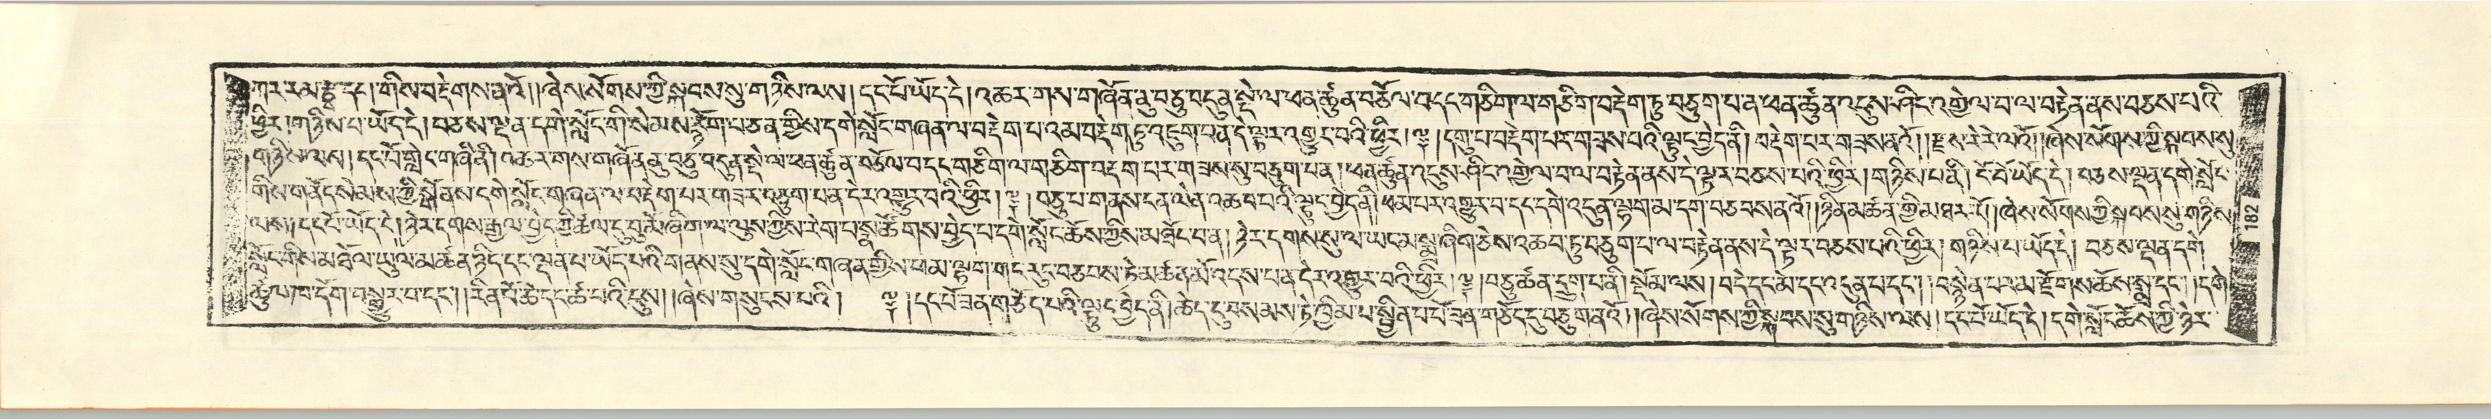ཀར་རམ་རྩྭ་དང་། གིས་བརྡེགས་ནའོ། །ཞེས་སོགས་ཀྱི་སྐབས་སུ་གཉིས་ལས། དང་པོ་ཡོད་དེ། འཆར་གས་གཞོན་ནུ་བཅུ་བདུན་སྡེ་ལ་ཕན་ཚུན་བཅོལ་བ་དང་གཅིག་ལ་གཅིག་བརྡེག་ཏུ་བཅུག་པ་ན་ཕན་ཚུན་འདུས་ཤིང་འགྱེལ་བ་ལ་བརྟེན་ནས་བཅས་པའི་
ཕྱིར། གཉིས་པ་ཡོད་དེ། བཅས་ལྡན་དགེ་སློང་གི་སེམས་རྙོག་པ་ཅན་གྱིས་དགེ་སློང་གཞན་ལ་བརྡེག་པའམ་བརྡེག་ཏུ་འཇུག་པ་ན་དེ་ལྟར་འགྱུར་པའི་ཕྱིར། ༈ །དགུ་པ་བརྡེག་པར་གཟས་པའི་ལྟུང་བྱེད་ནི། བརྡེག་པར་གཟས་ནའོ། །རྫས་རེ་རེ་ལའོ། །ཞེས་སོགས་ཀྱི་སྐབས་སུ་
གཉིས་ལས། དང་པོ་གླེང་གཞི་ནི། འཆར་གས་གཞོན་ནུ་བཅུ་བདུན་སྡེ་ལ་ཕན་ཚུན་བཅོལ་བ་དང་གཅིག་ལ་གཅིག་བརྡག་པར་གཟས་སུ་བཅུག་པ་ན། ཕན་ཚུན་འདུས་ཤིང་འགྱེལ་བ་ལ་བརྟེན་ནས་དེ་ལྟར་བཅས་པའི་ཕྱིར། གཉིས་པ་ནི། ངོ་བོ་ཡོད་དེ། བཅས་ལྡན་དགེ་སློང་
གིས་གནོད་སེམས་ཀྱི་སྒོ་ནས་དགེ་སློང་གཞན་ལ་བརྡེག་པར་གཟར་བཅུག་པ་ན་དེར་འགྱུར་བའི་ཕྱིར། ༈ །བཅུ་པ་གནས་ངན་ལེན་འཆབ་པའི་ལྟུང་བྱེད་ནི། ཕམ་པར་འགྱུར་བ་དང་དགེ་འདུན་ལྷག་མ་དག་བཅབས་ནའོ། །ཉིན་མཚན་གྱི་མཐར་རོ། །ཞེས་སོགས་ཀྱི་སྐབས་སུ་གཉིས་
ལས། དང་པོ་ཡོད་དེ། ཉེར་དགས་རྒྱལ་བྱེད་ཀྱི་ཚལ་དུ་བུ་མོ་ཞིག་ལ་ལུས་ཀྱིས་རེག་པ་སྣ་ཚོགས་བྱེད་པ་དགེ་སློང་ཆོས་ཀྱིས་མཐོང་པ་ན། ཉེར་དགས་སུ་ལ་ཡང་མ་སྨྲ་ཞིག་ཅེས་འཆབ་ཏུ་བཅུག་པ་ལ་བརྟེན་ནས་དེ་ལྟར་བཅས་པའི་ཕྱིར། གཉིས་པ་ཡོད་དེ། བཅས་ལྡན་དགེ་
སློང་གིས་མཐོལ་ཡུལ་མཚན་ཉིད་དང་ལྡན་པ་ཡོད་པའི་གནས་སུ་དགེ་སློང་གཞན་གྱིས་ཕམ་ལྷག་གང་རུང་བཅབས་ཏེ་མཚན་མོ་འདས་པ་ན་དེར་འགྱུར་བའི་ཕྱིར། ༈ །བཅུ་ཚན་དྲུག་པ་ནི། སྡོམ་ལས། བདེ་དང་མེ་དང་འདུན་པ་དང་། །བསྙེན་པར་མ་རྫོགས་ཆོས་སྨྲ་དང་། །དགེ་
ཚུལ་ཁ་དོག་བསྒྱུར་བ་དང་། །རིན་པོ་ཆེ་དང་ཚ་བའི་དུས། །ཞེས་གསུངས་པའི། ༈ །དང་པོ་ཟན་གཅོད་པའི་ལྟུང་བྱེད་ནི། ཆེད་དུ་བསམས་ཏེ་ཁྱིམ་པ་སྦྱིན་པ་པོ་ཟན་གཅོད་དུ་བཅུག་ནའོ། །ཞེས་སོགས་ཀྱི་སྐབས་སུ་གཉིས་ལས། དང་པོ་ཡོད་དེ། དགེ་སློང་ཆོས་ཀྱི་ཉེར་